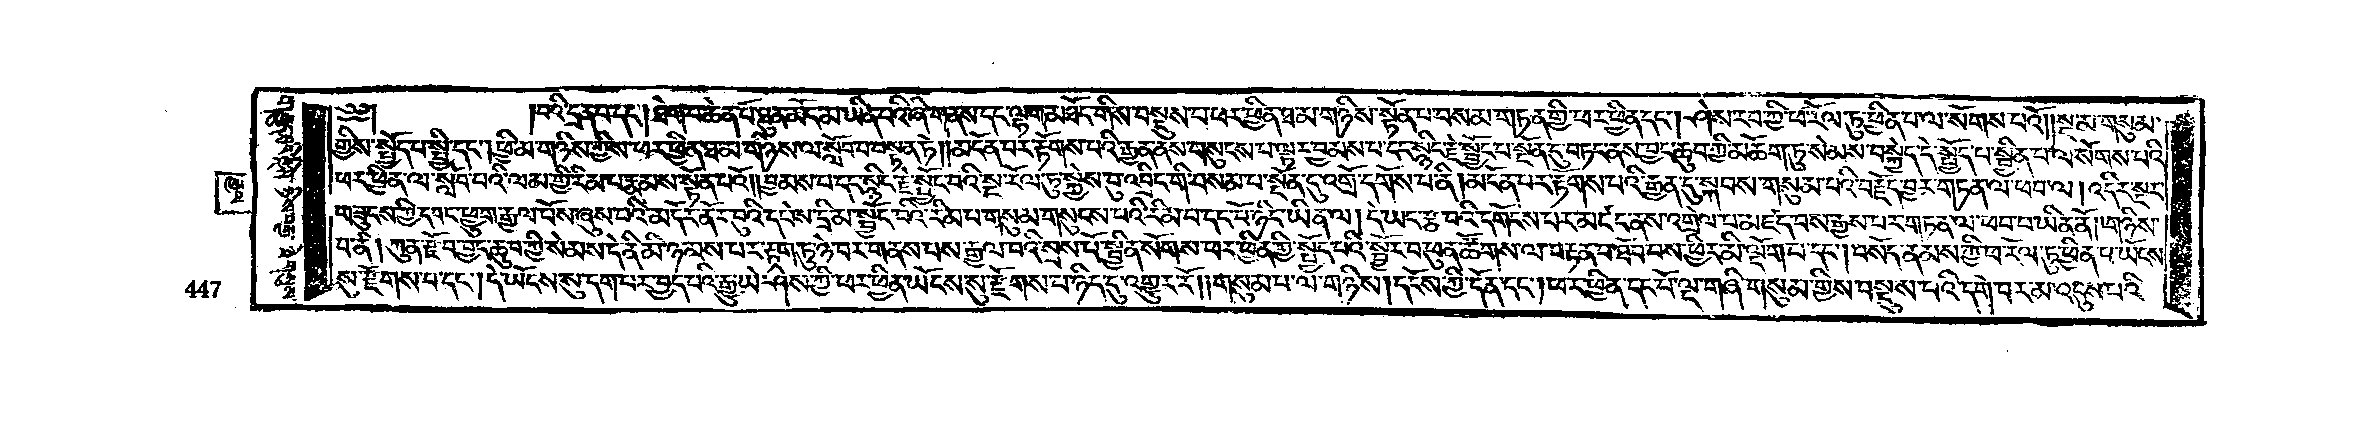༄༅། །བའི་དྲན་པ་དང་། ཐེག་པ་ཆེན་པོ་ཐུན་མོང་མ་ཡིན་པའི་ཞི་གནས་དང་མཐོང་གིས་བསྡུས་པ་ཕར་ཕྱིན་ཐ་མ་གཉིས་སྟོན་པ་བསམ་གཏན་གྱི་ཕར་ཕྱིན་དང་། ཤེས་རབ་ཀྱི་ཕ་རོལ་ཏུ་ཕྱིན་པ་ལ་སོགས་པའོ། །སྔ་མ་གསུམ་
གྱིས་སྤྱོད་པ་སྤྱི་དང་། ཕྱི་མ་གཉིས་ཀྱི་ཕར་ཕྱིན་ཐ་མ་གཉིས་ལ་སློབ་པ་བསྟན་ཏེ། །མངོན་པར་རྟོགས་པའི་རྒྱན་ནས་གསུངས་པ་ལྟར་བྱམས་པ་དང་སྙིང་རྗེ་སྦྱོང་པ་སྔོན་དུ་བཏང་ནས་བྱང་ཆུབ་ཀྱི་མཆོག་ཏུ་སེམས་བསྐྱེད་དེ་སྤྱོད་པ་སྦྱིན་པ་ལ་སོགས་པའི་
ཕར་ཕྱིན་ལ་སློབ་པའི་ལམ་གྱི་རིམ་པ་རྣམས་སྟོན་པའོ། །བྱམས་པ་དང་སྙིང་རྗེ་སྦྱོང་བའི་སྔ་རོལ་ཏུ་སྐྱེས་བུ་འབྲིང་གི་བསམ་པ་སྔོན་དུ་འགྲོ་དགོས་པ་ནི། མངོན་པར་རྟོགས་པའི་རྒྱན་དུ་སྐབས་གསུམ་པའི་བརྗོད་བྱར་གཏན་ལ་ཕབ་ལ། འདིར་སྔར་
གཟུངས་ཀྱི་དབང་ཕྱུག་རྒྱལ་པོས་ཞུས་པའི་མདོར་ནོར་བུའི་དཔེས་དྲི་མ་སྦྱོང་བའི་རིམ་གསུམ་གསུངས་པའི་རིམ་པ་དང་པོ་ཉིད་ཡིན་ལ། དེ་ཡང་རྩ་བའི་དགོངས་པར་མཛད་ནས་འགྲེལ་པ་མཛད་བས་རྒྱས་པར་གཏན་ལ་ཕབ་པ་ཡིན་ནོ། །གཉིས་
བ་ནི། ཀུན་རྫོབ་བྱང་ཆུབ་ཀྱི་སེམས་དེ་ཨི་མི་ཉམས་པར་རྟག་ཏུ་ཉེ་བར་གནས་པས་རྒྱལ་བའི་སྲས་པོ་སྦྱིན་སོགས་ཕར་ཕྱིན་གྱི་སྤྱོད་པའི་སྦྱོར་བ་ཕུན་ཚོགས་ལ་བརྟན་པ་ཐོབ་བས་ཕྱིར་མི་ལྡོག་པ་དང་། བསོད་ནམས་ཀྱི་ཕ་རོལ་ཏུ་ཕྱིན་པ་ཡོངས་
སུ་རྫོགས་པ་དང་། དེ་ཡོངས་སུ་དག་པར་བྱད་པའི་རྒྱུ་ཡེ་ཤེས་ཀྱི་ཕར་ཕྱིན་ཡོངས་སུ་རྫོགས་པ་ཉིད་དུ་འགྱུར་རོ། །གསུམ་པ་ལ་གཉིས། དངོས་ཀྱི་དོན་དང་། ཕར་ཕྱིན་དང་པོ་ལྔ་གཞི་གསུམ་གྱིས་བསྡུས་པའི་དགེ་བར་མ་འདུས་པའི་